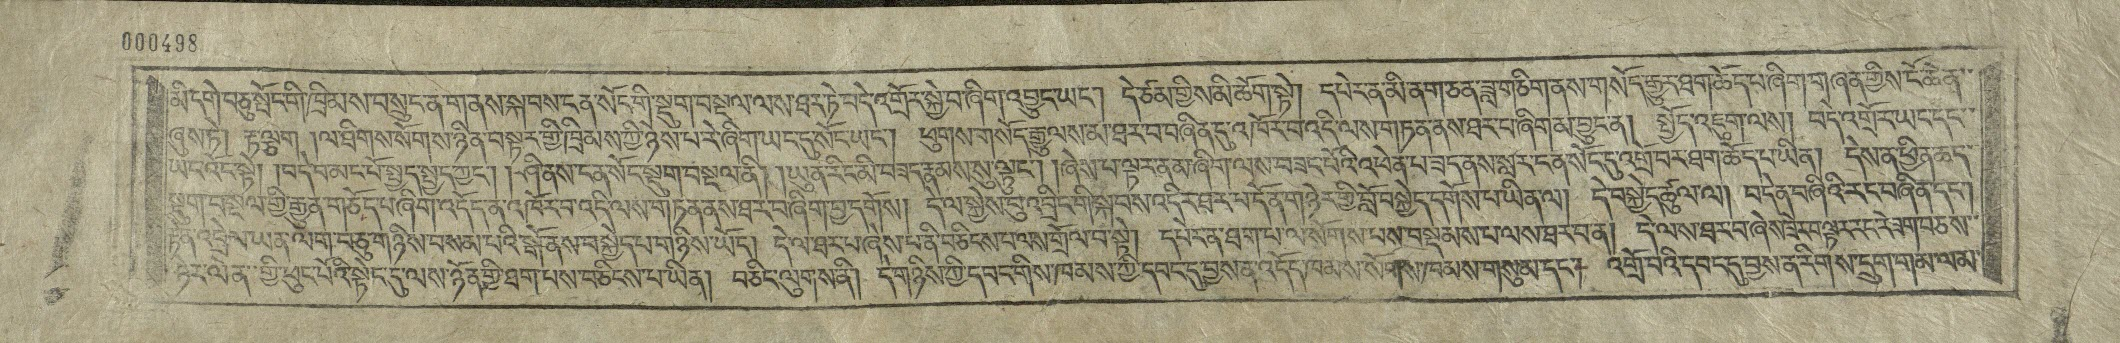མི་དགེ་བཅུ་སྤོང་གི་ཁྲིམས་བསྲུང་ན་གནས་སྐབས་ངན་སོང་གི་སྡུག་བསྔལ་ལས་ཐར་ཏེ་བདེ་འགྲོར་སྐྱེ་བ་ཞིག་འབྱུང་ཡང་། དེ་ཙམ་གྱིས་མི་ཆོག་སྟེ། དཔེར་ན་མི་ནག་ཅན་ཟླ་གཅིག་ནས་གསོད་རྒྱུར་ཐག་ཆོད་པ་ཞིག་གཞན་གྱིས་ངོ་ཆེན་
ཞུས་ཏེ། རྟ་ལྕག །ལ་ཐིགས་སོགས་ཉིན་བསྟར་གྱི་ཁྲིམས་ཀྱི་ཉེས་པ་རེ་ཞིག་ཡང་དུ་སོང་ཡང་། ཕུགས་གསོད་རྒྱུ་ལས་མ་ཐར་བ་བཞིན་དུ་འཁོར་བ་འདི་ལས་གཏན་ནས་ཐར་པ་ཞིག་མ་བྱུང་ན། སྤྱོད་འཇུག་ལས། བདེ་འགྲོར་ཡང་དང་
ཡང་འོང་སྟེ། །བདེ་བ་མང་པོ་སྤྱད་སྤྱད་ཀྱང་། །ཤི་ནས་ངན་སོང་སྡུག་བསྔལ་ནི། །ཡུན་རིང་མི་བཟད་རྣམས་སུ་ལྟུང་། །ཞེས་པ་ལྟར་ནམ་ཞིག་ལས་བཟང་པོའི་འཕེན་པ་ཟད་ནས་སླར་ངན་སོང་དུ་འགྲོ་བར་ཐག་ཆོད་པ་ཡིན། དེས་ན་ཕྱིན་ཆད་
སྡུག་བསྔལ་གྱི་རྒྱུན་གཅོད་པ་ཞིག་འདོད་ན་འཁོར་བ་འདི་ལས་གཏན་ནས་ཐར་བ་ཞིག་བྱ་དགོས། དེ་ལ་སྐྱེས་བུ་འབྲིང་གི་སྐབས་འདིར་ཐར་པ་དོན་གཉེར་གྱི་བློ་བསྐྱེད་དགོས་པ་ཡིན་ལ། དེ་བསྐྱེད་ཚུལ་ལ། བདེན་བཞིའི་རང་བཞིན་དང་།
རྟེན་འབྲེལ་ཡན་ལག་བཅུ་གཉིས་བསམ་པའི་སྒོ་ནས་བསྐྱེད་པ་གཉིས་ཡོད། དེ་ལ་ཐར་པ་ཞེས་པ་ནི་བཅིངས་པ་ལས་གྲོལ་བ་སྟེ། དཔེར་ན་ཐག་པ་ལ་སོགས་པས་བསྡམས་པ་ལས་ཐར་བ་ན། དེ་ལས་ཐར་བ་ཞེས་ཟེར་བ་ལྟར་རང་རེ་ཟག་བཅས་
ཉེར་ལེན་གྱི་ཕུང་པོའི་སྟེང་དུ་ལས་ཉོན་གྱི་ཐག་པས་བཅིངས་པ་ཡིན། བཅིང་ལུགས་ནི། དེ་གཉིས་ཀྱི་དབང་གིས་ཁམས་ཀྱི་དབང་དུ་བྱས་ན་འདོད་ཁམས་སོགས་ཁམས་གསུམ་དང་། འགྲོ་བའི་དབང་དུ་བྱས་ན་རིགས་དྲུག་གམ་ལམ་